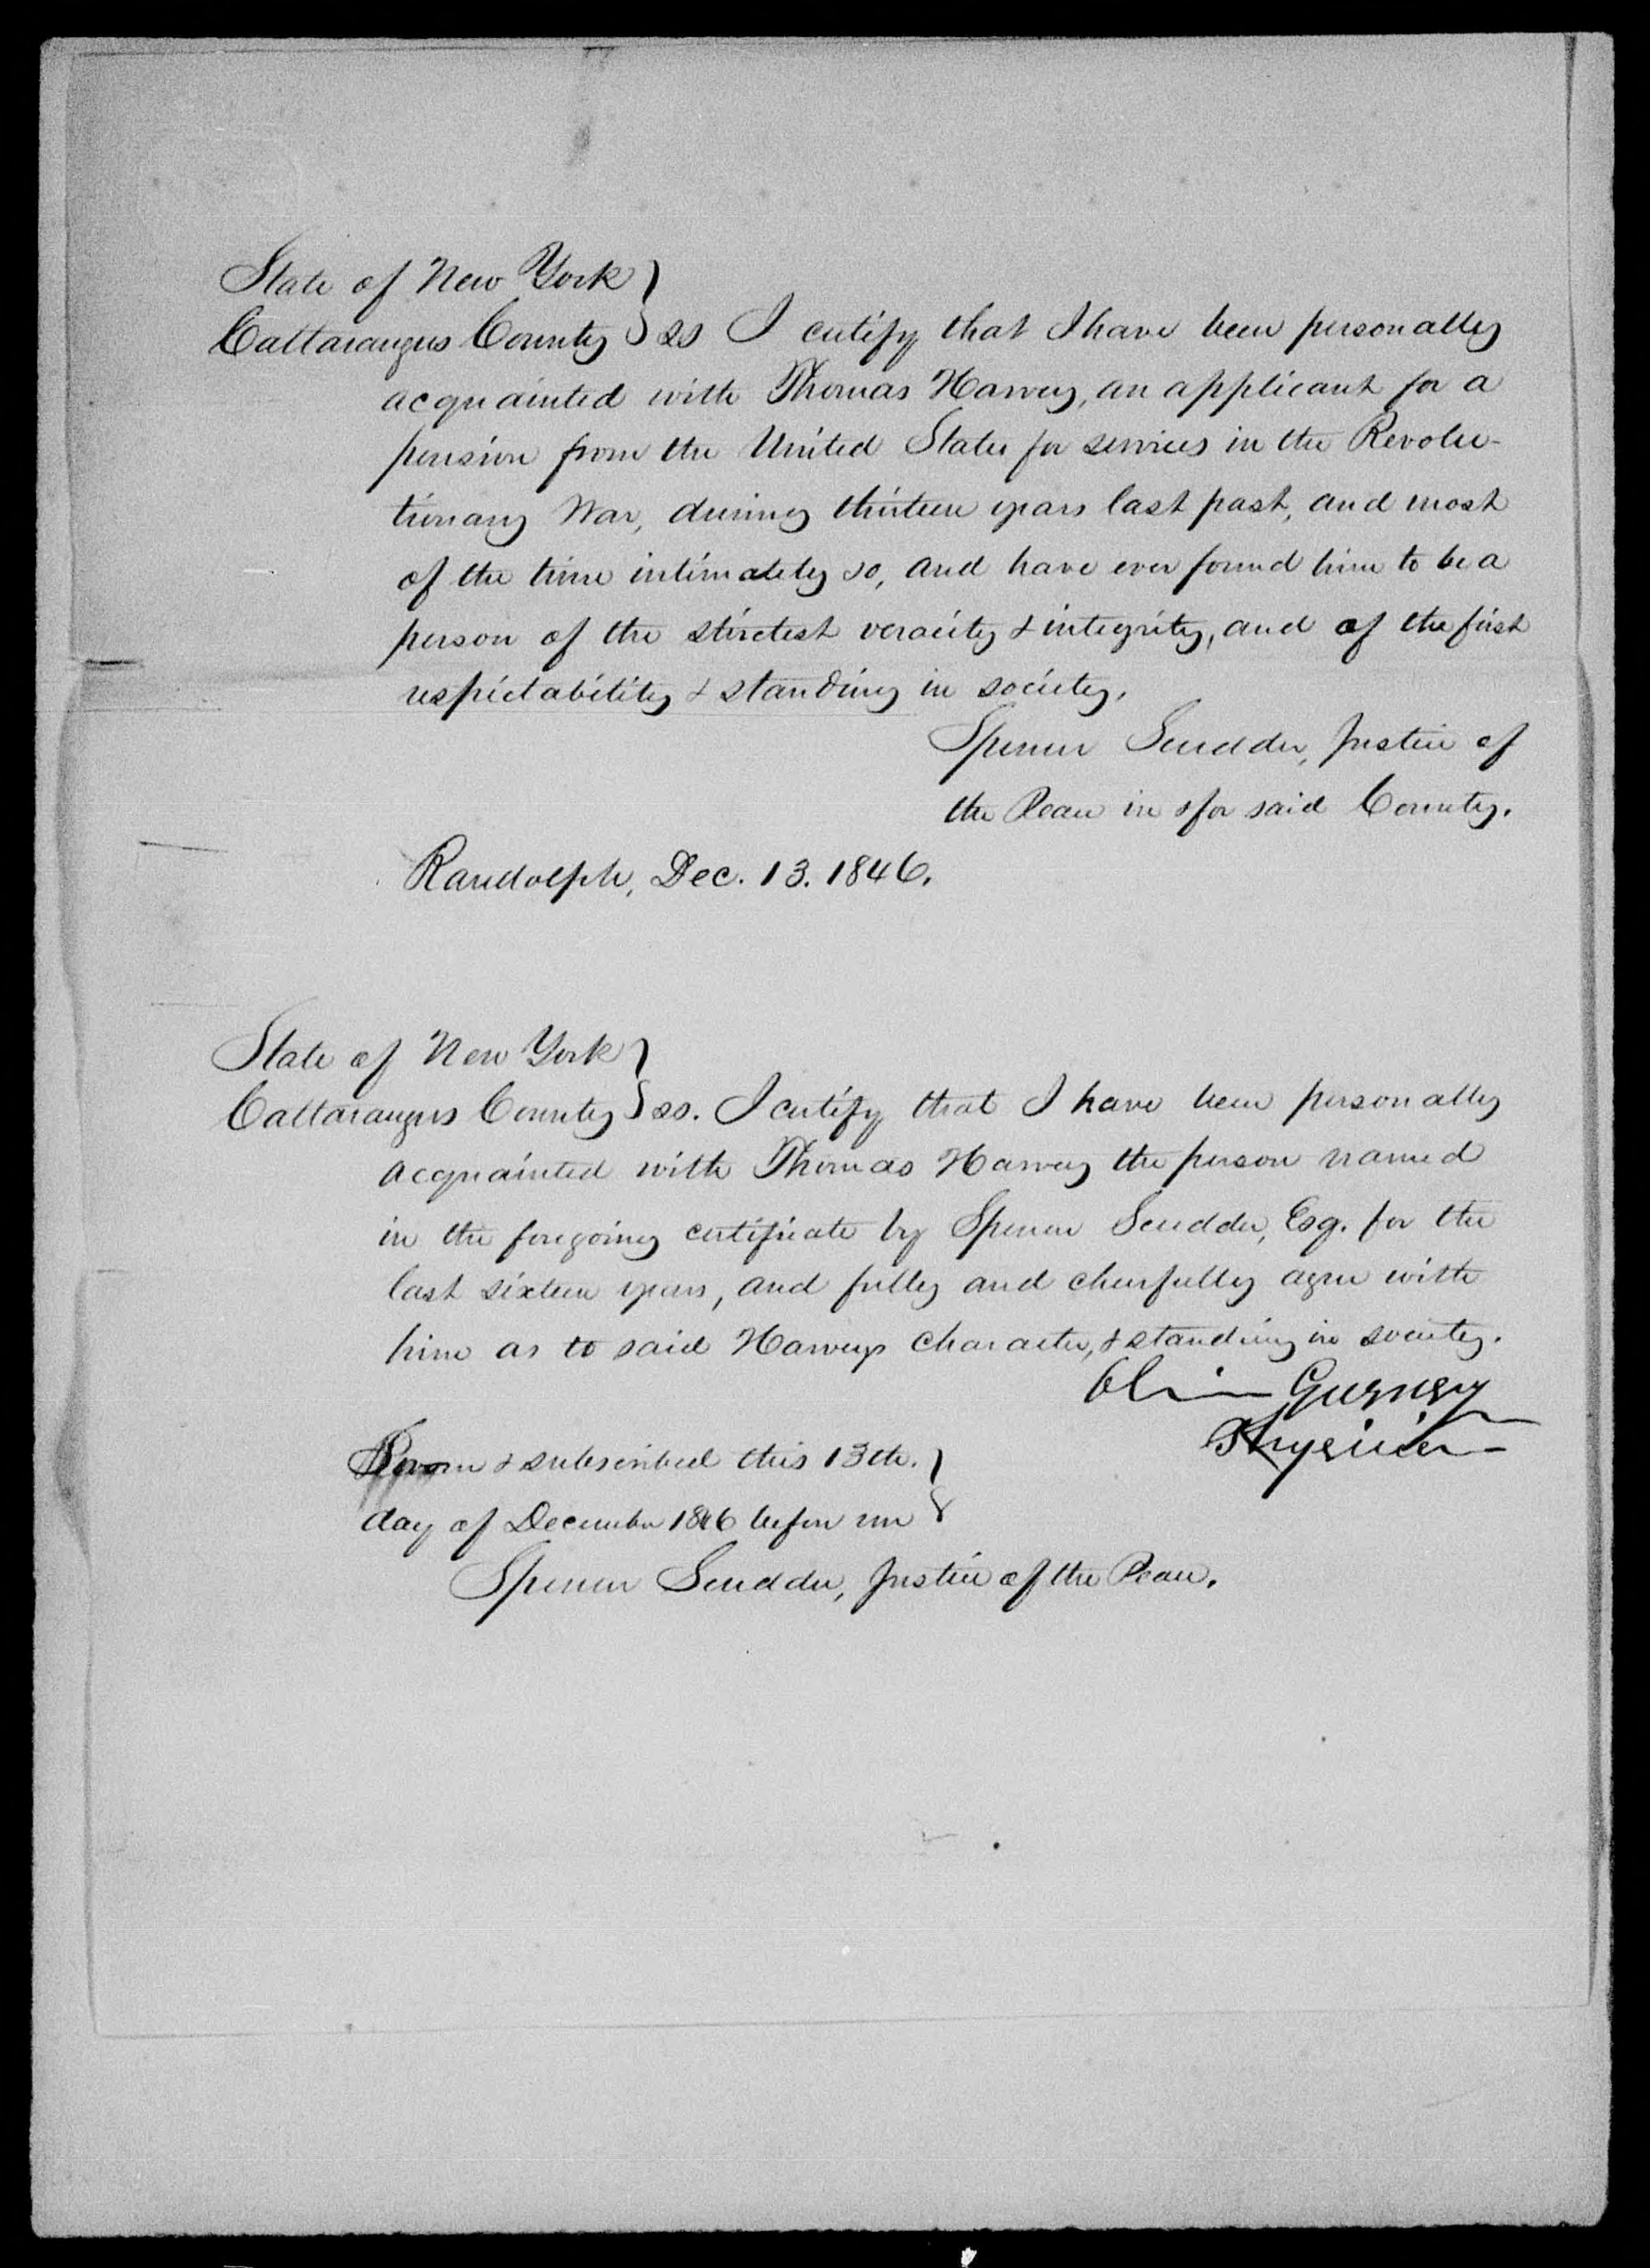State of New York
Cattaraugus County} ss I certify that I have been personally acquainted with Thomas Harvey, an applicant for a pension from the United States for services in the Revolutionary War, during thirteen years last past, and most of the time intimately so, and have ever found him to be a person of the strictest veracity & integrity, and of the first respectability & standing in society. 
/s/Spencer Scudder, Justice of the Peace in & for said County. 
Randolph, Dec. 13, 1846. 
State of New York,
Cattaraugus County} ss. I certify that I have been personally acquainted with Thomas Harvey the person named in the foregoing certificate by Spencer Scudder, Esq. for the last sixteen years, and fully and cheerfully agree with him as to said Harvey's character, & standing in society. 
/s/Oliver Gurnsey
Physician
Sworn & subscribed this 13th day of December 1846 before me 
/s/Spencer Scudder, Justice of the Peace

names: Oliv Gurnsey, Harvey, Thomas Harvey, Thomas Harvey, Spencer Scudder, Spencer Scudder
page: 29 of 80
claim: survivor's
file: S. 18008, Thomas Harvey, N.H.